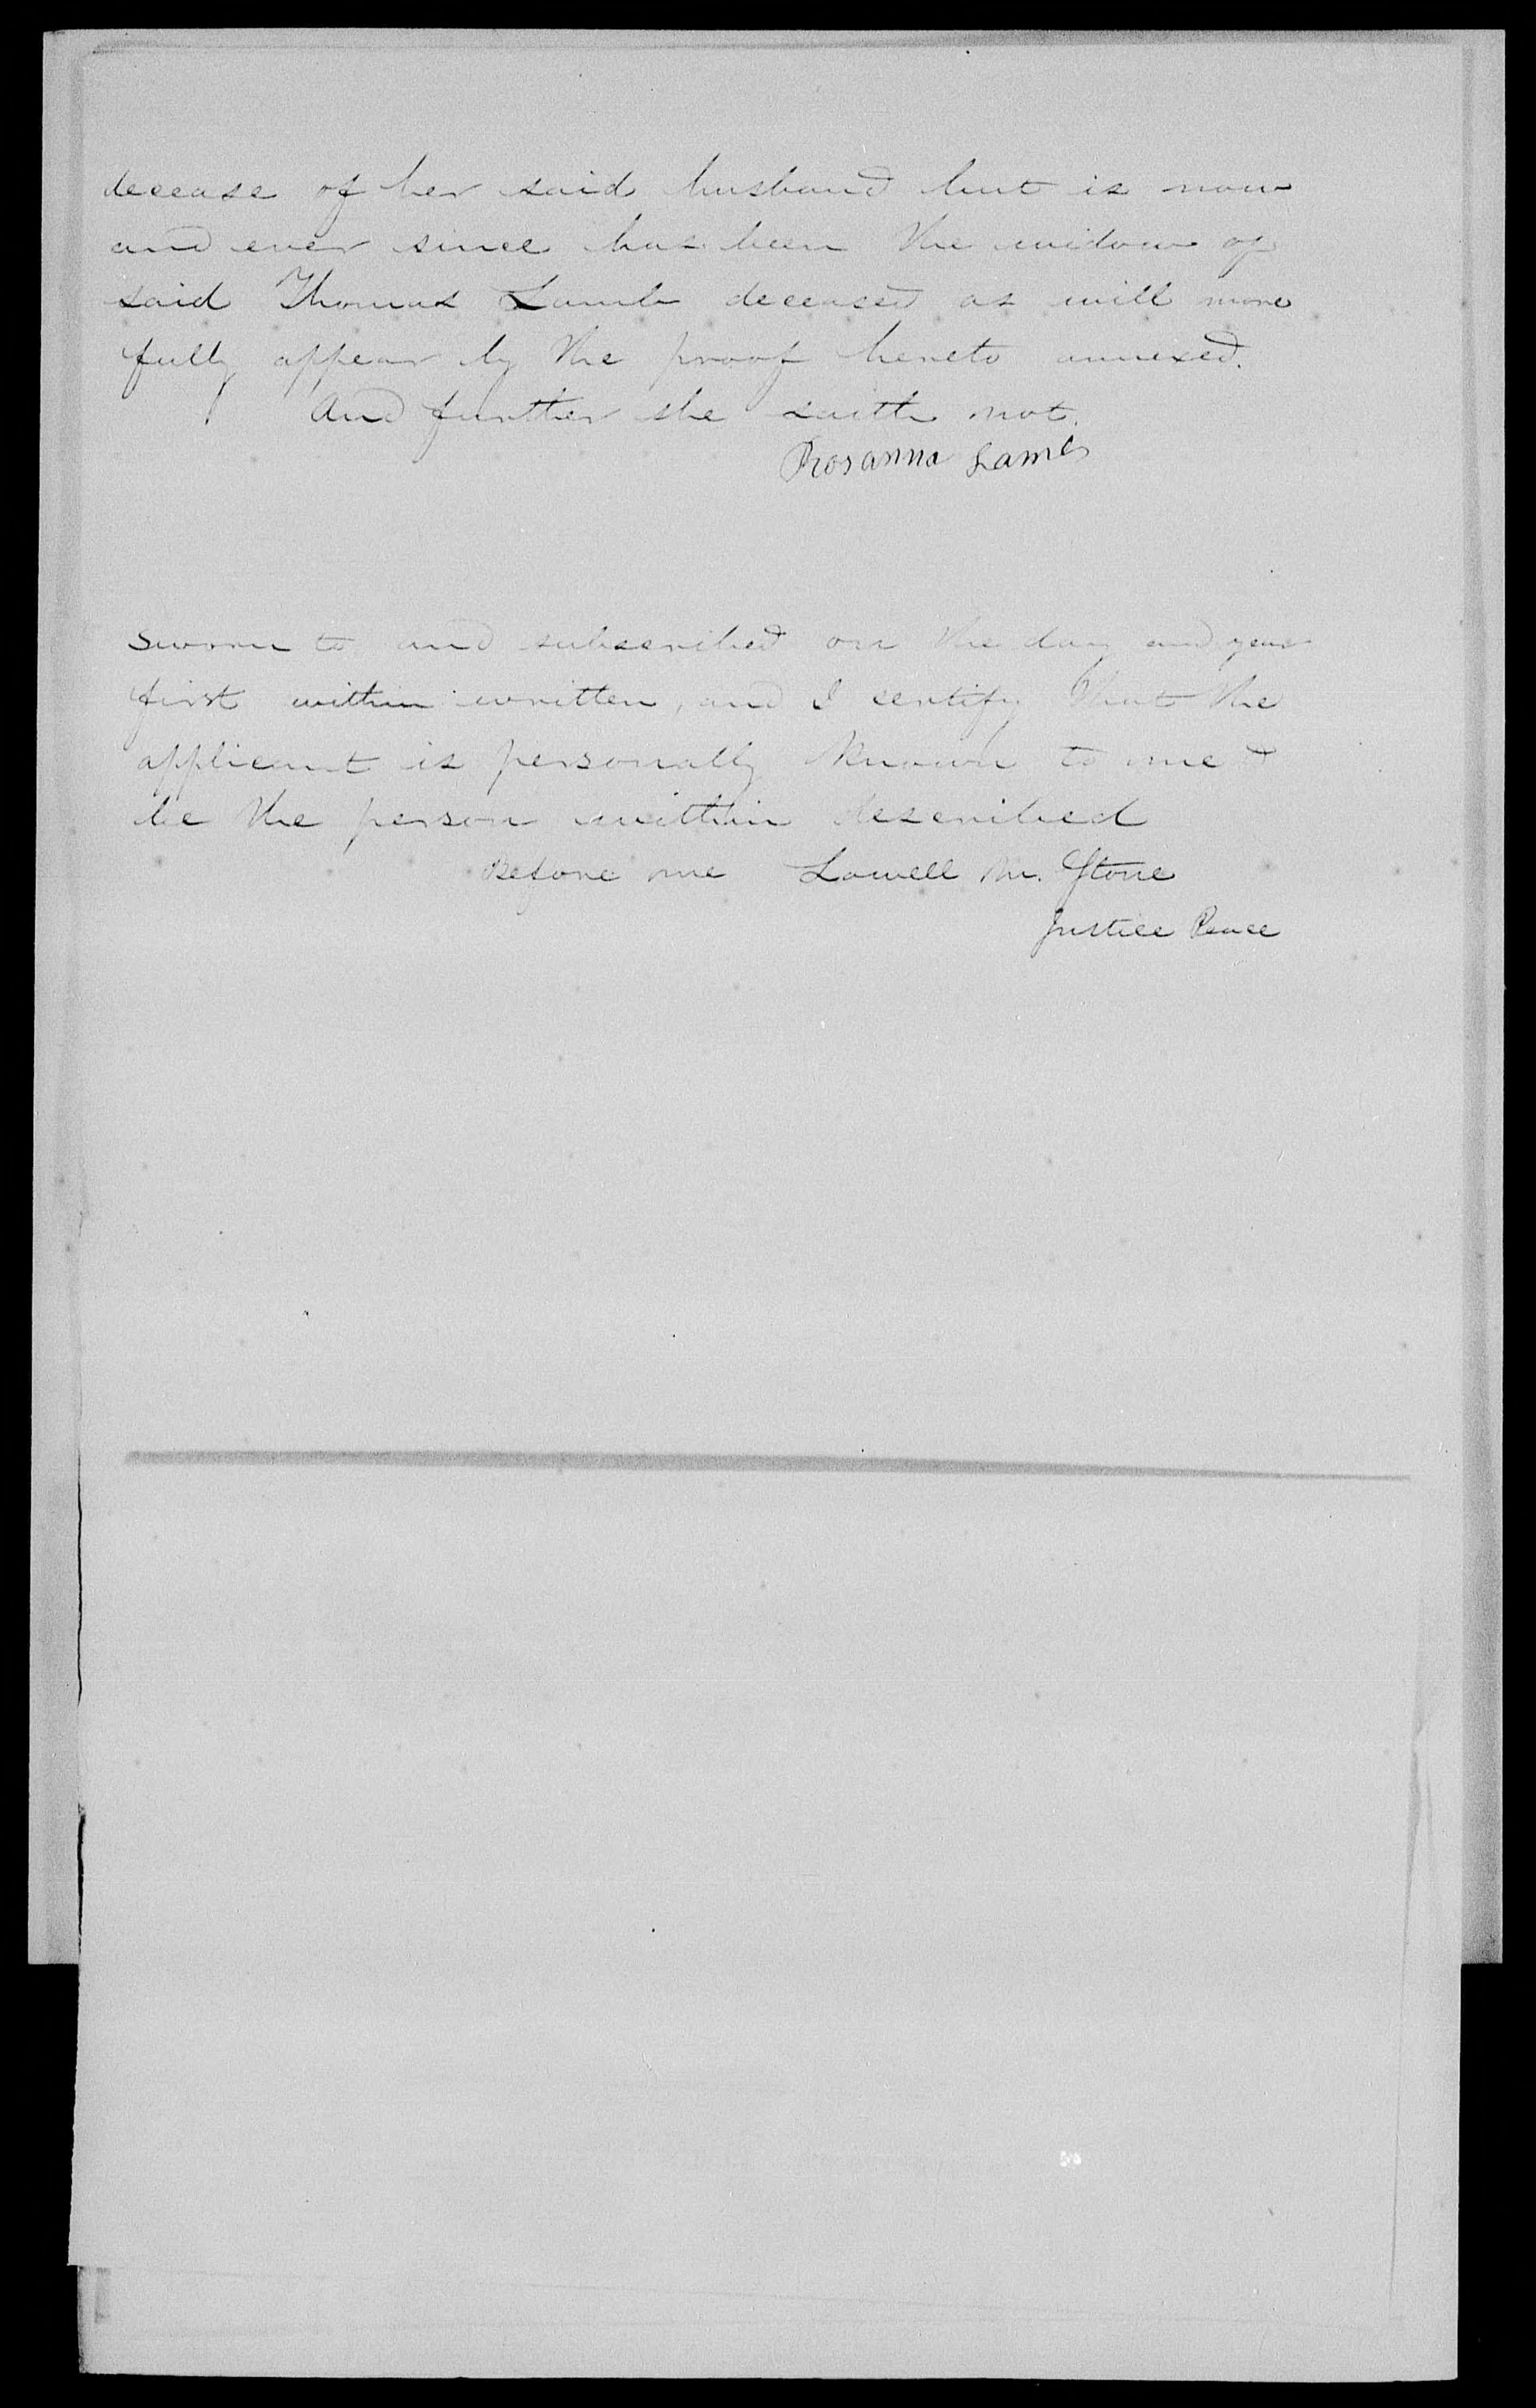decease of her said husband but is now and ever since has been the widow of said Thomas Lamb deceased as will more fully appear by the proof hereto annexed.
And further she saith not.
Rosanna Lamb

Sworn to and subscribed on the day and year first within written and I certify that the applicant is personally known to me & is the person within subscribed before me Lowell M. Stone
Justice Peace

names: Lowell M Stone; Thomas Lamb; Rosanna Lamb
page: 21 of 23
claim: widow's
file: W. 15010, for Thomas Lamb, Massachusetts